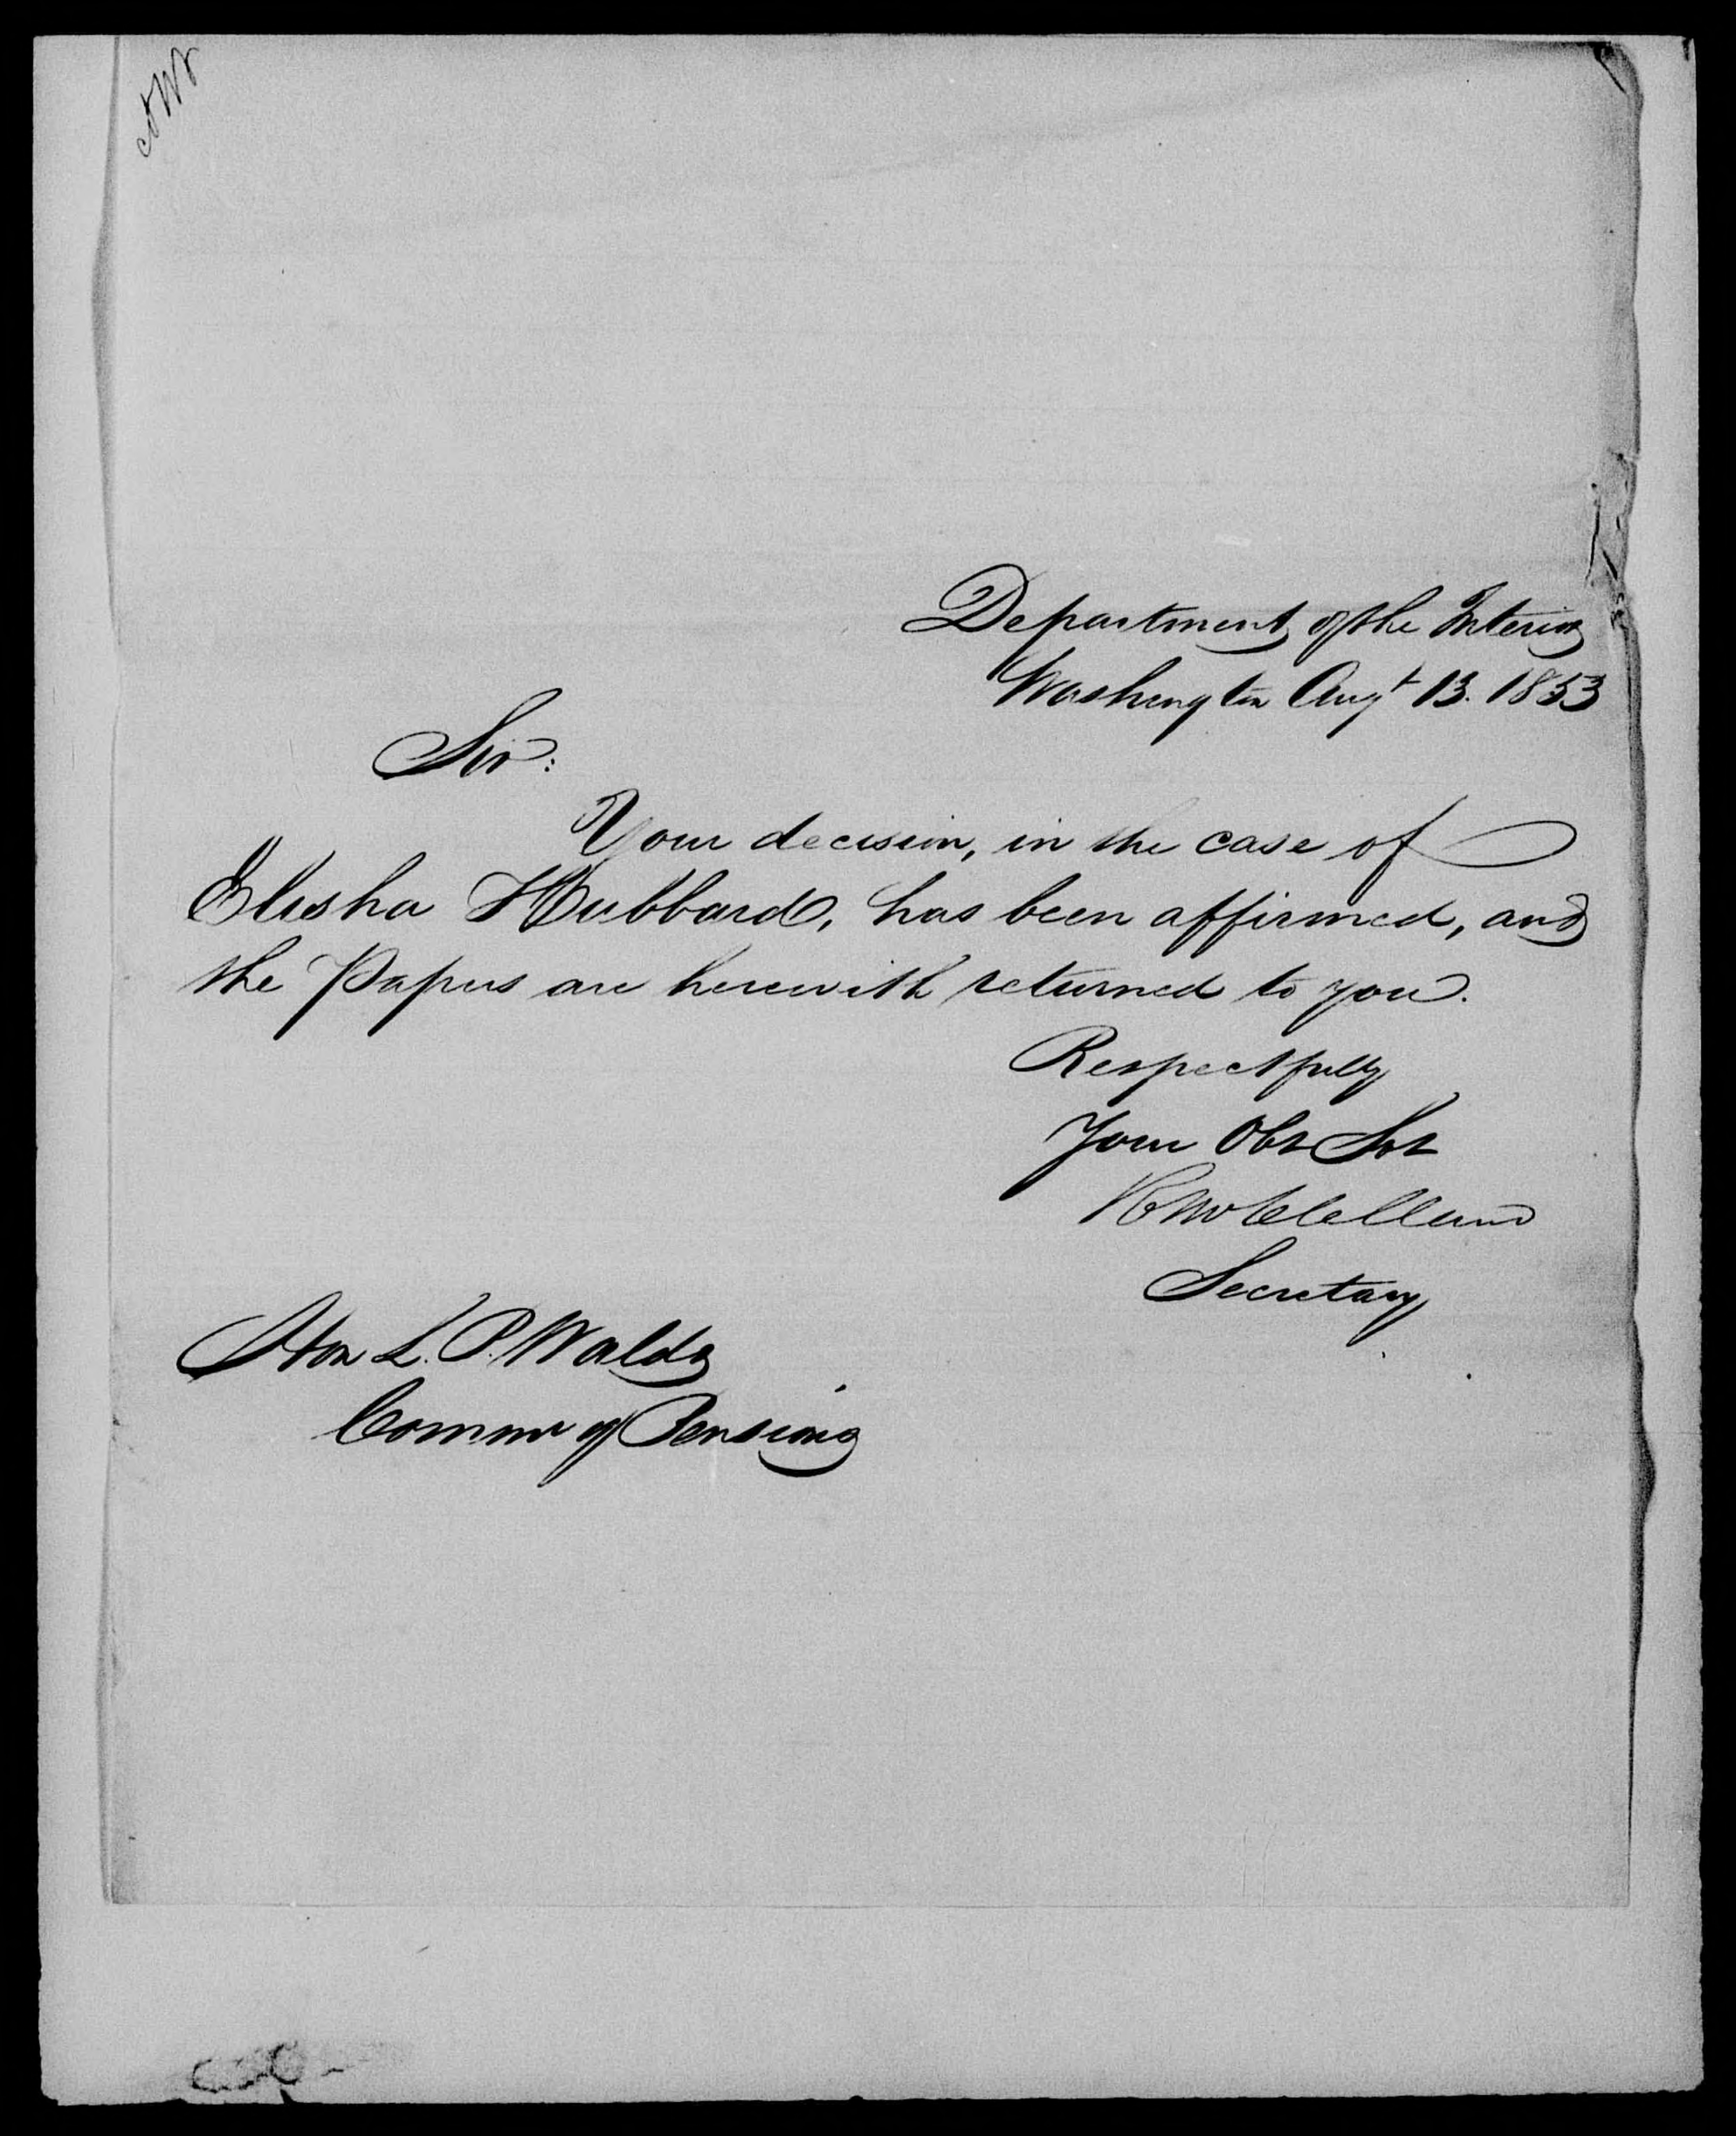Department of the Interior
Washington Augt 13. 1853

Sir:

Your decision, in the case of Elisha Hubbard. has been affirmed, and the papers are herewith returned to you.

Respectfully
You ObsSvt
R McClellan
Secretary

Hon L. P. Waldo
Commr of Pensions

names: R Mc Clelland, L P Waldo, Elisha Hubbard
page: 37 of 63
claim: survivor's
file: S. 18457, Elisha Hubbard, Conn. Continental